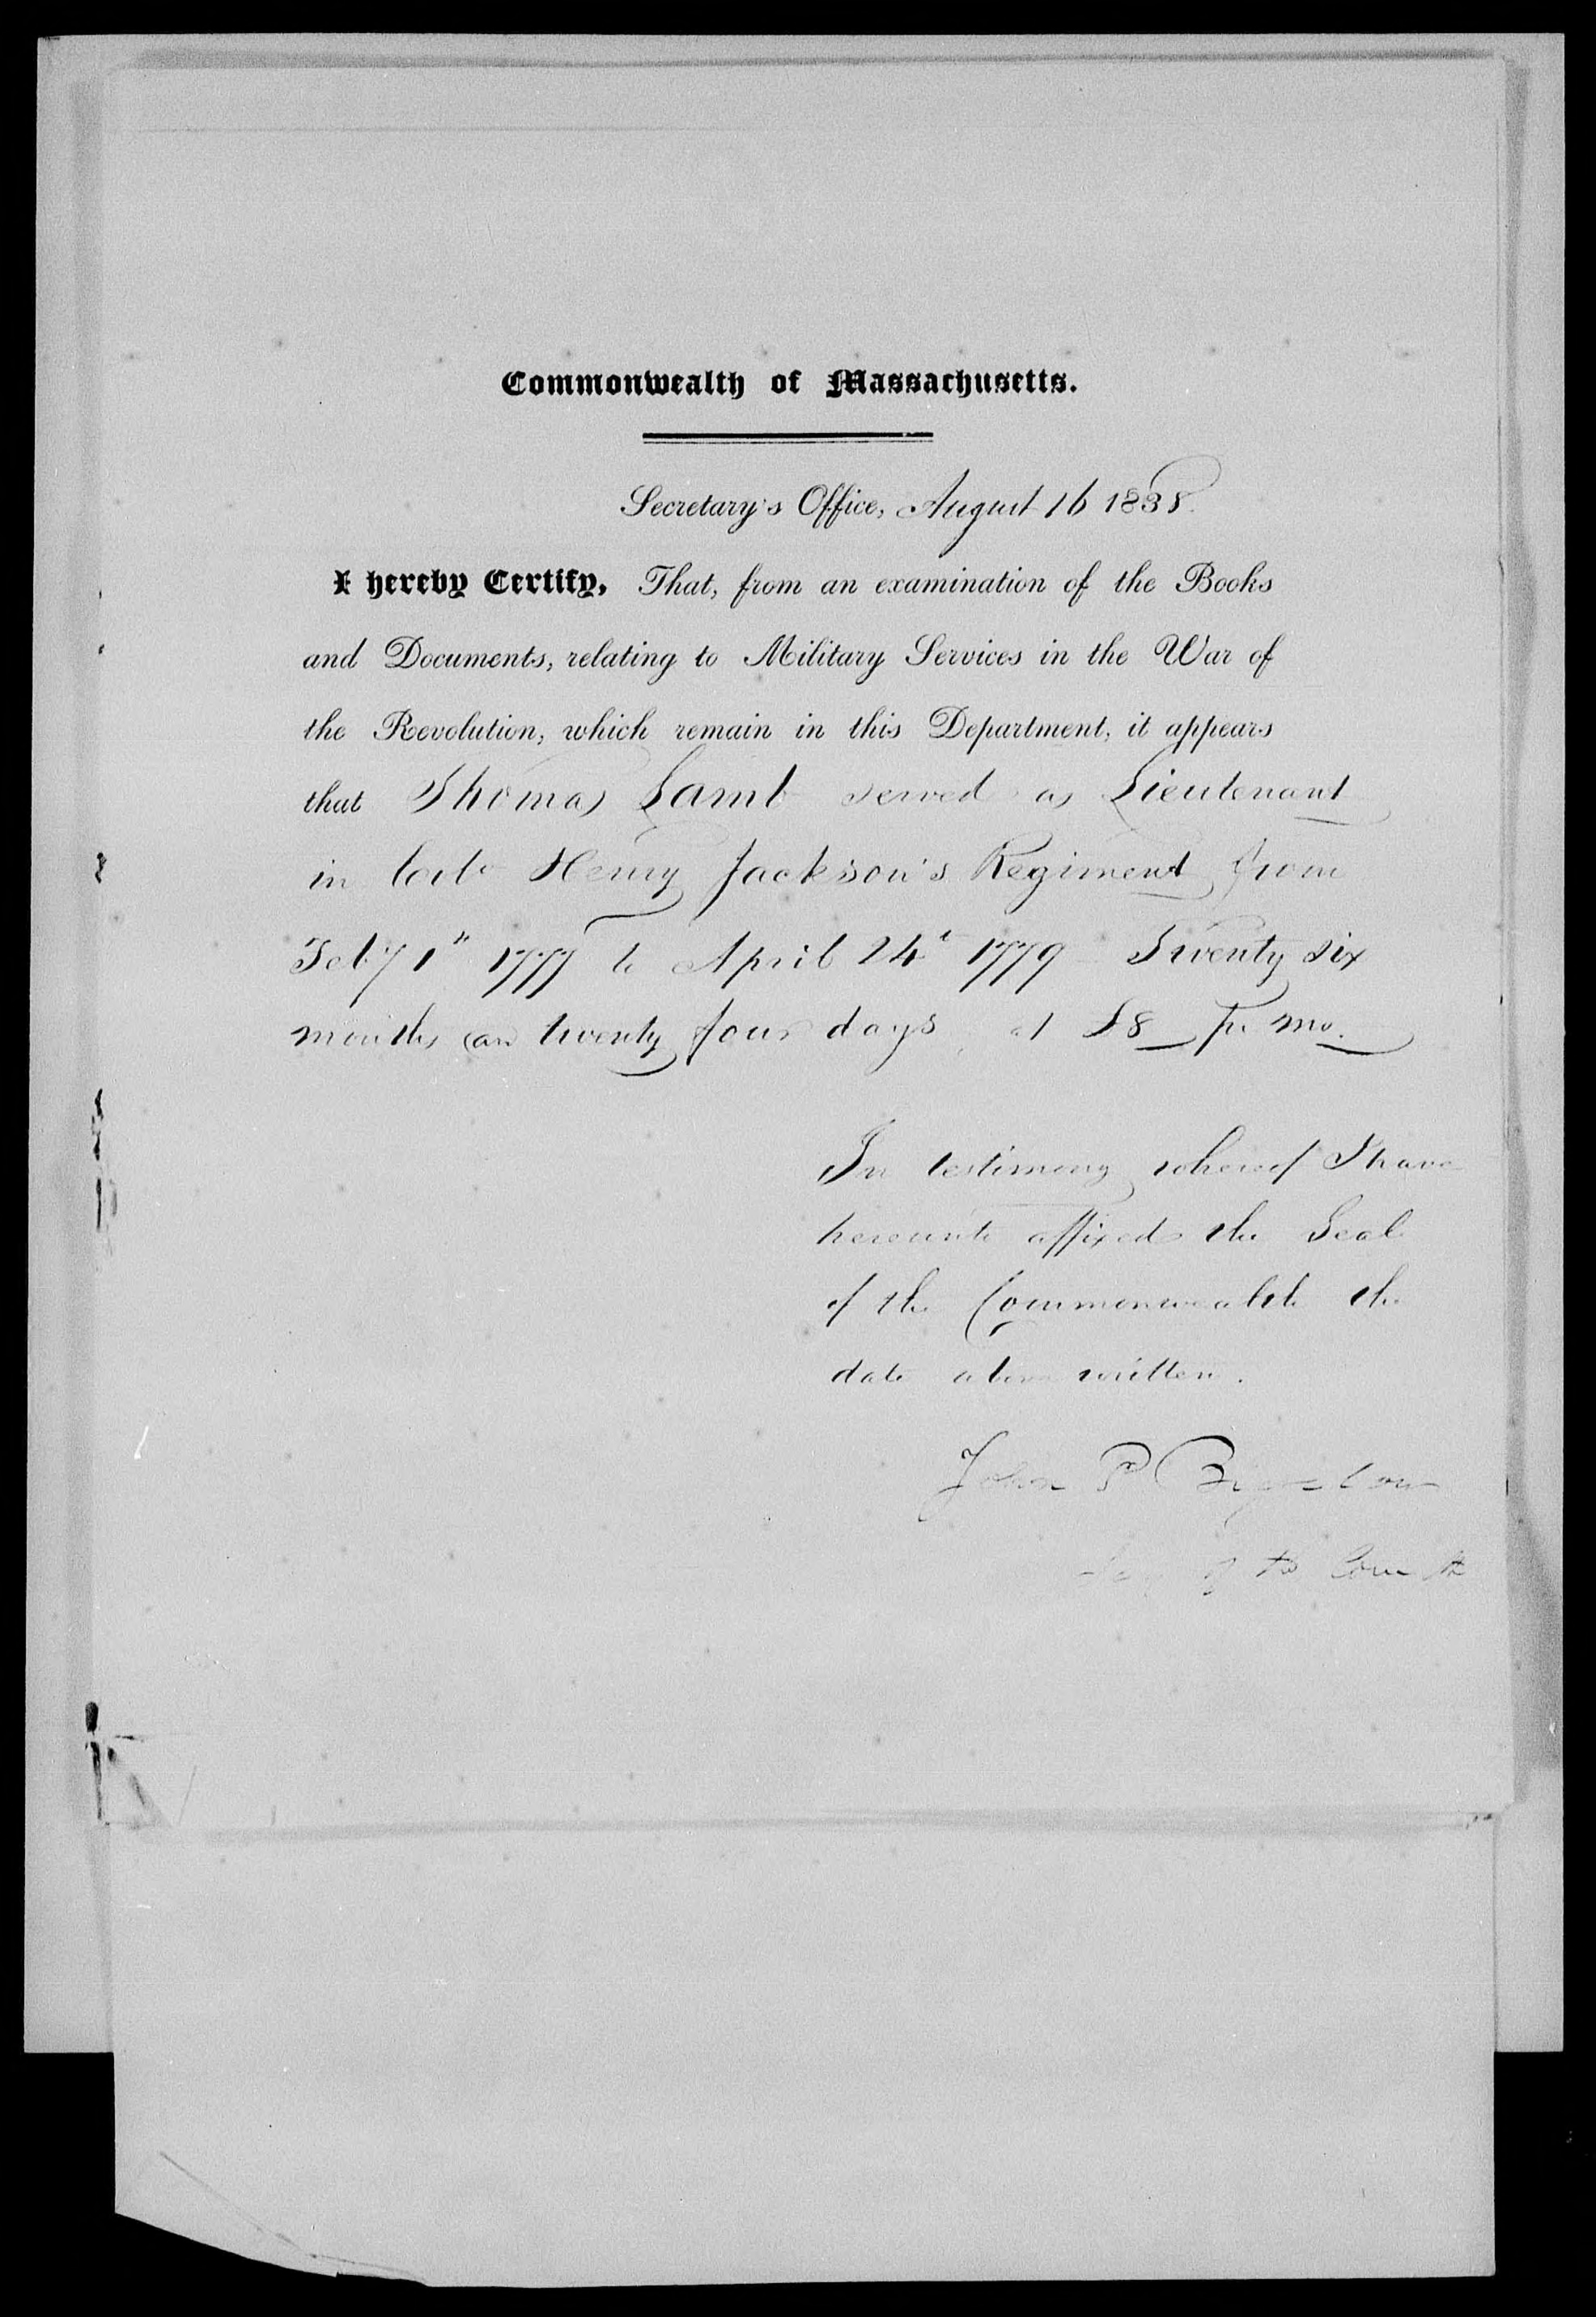Commonwealth of Massachusetts.
______________
Secretary's Office, August 16 1838.
I hereby Certify, That, from an examination of the Books and Documents, relating to Military Services in the War of the Revolution, which remain in this Department, it appears that Thomas Lamb served as Lieutenant in Col. Henry Jackson's Regiment from Feb 1st 1777 to April 24th 1779 Seventy six months and twenty four days at $8 per mo.
In testimony whereof I have hereunto affixed the Seal of the Commonwealth the date above written.
John P. Bigelow
[illegible] of the Court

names: John P Bigelow; Thomas Lamb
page: 7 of 23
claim: widow's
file: W. 15010, for Thomas Lamb, Massachusetts